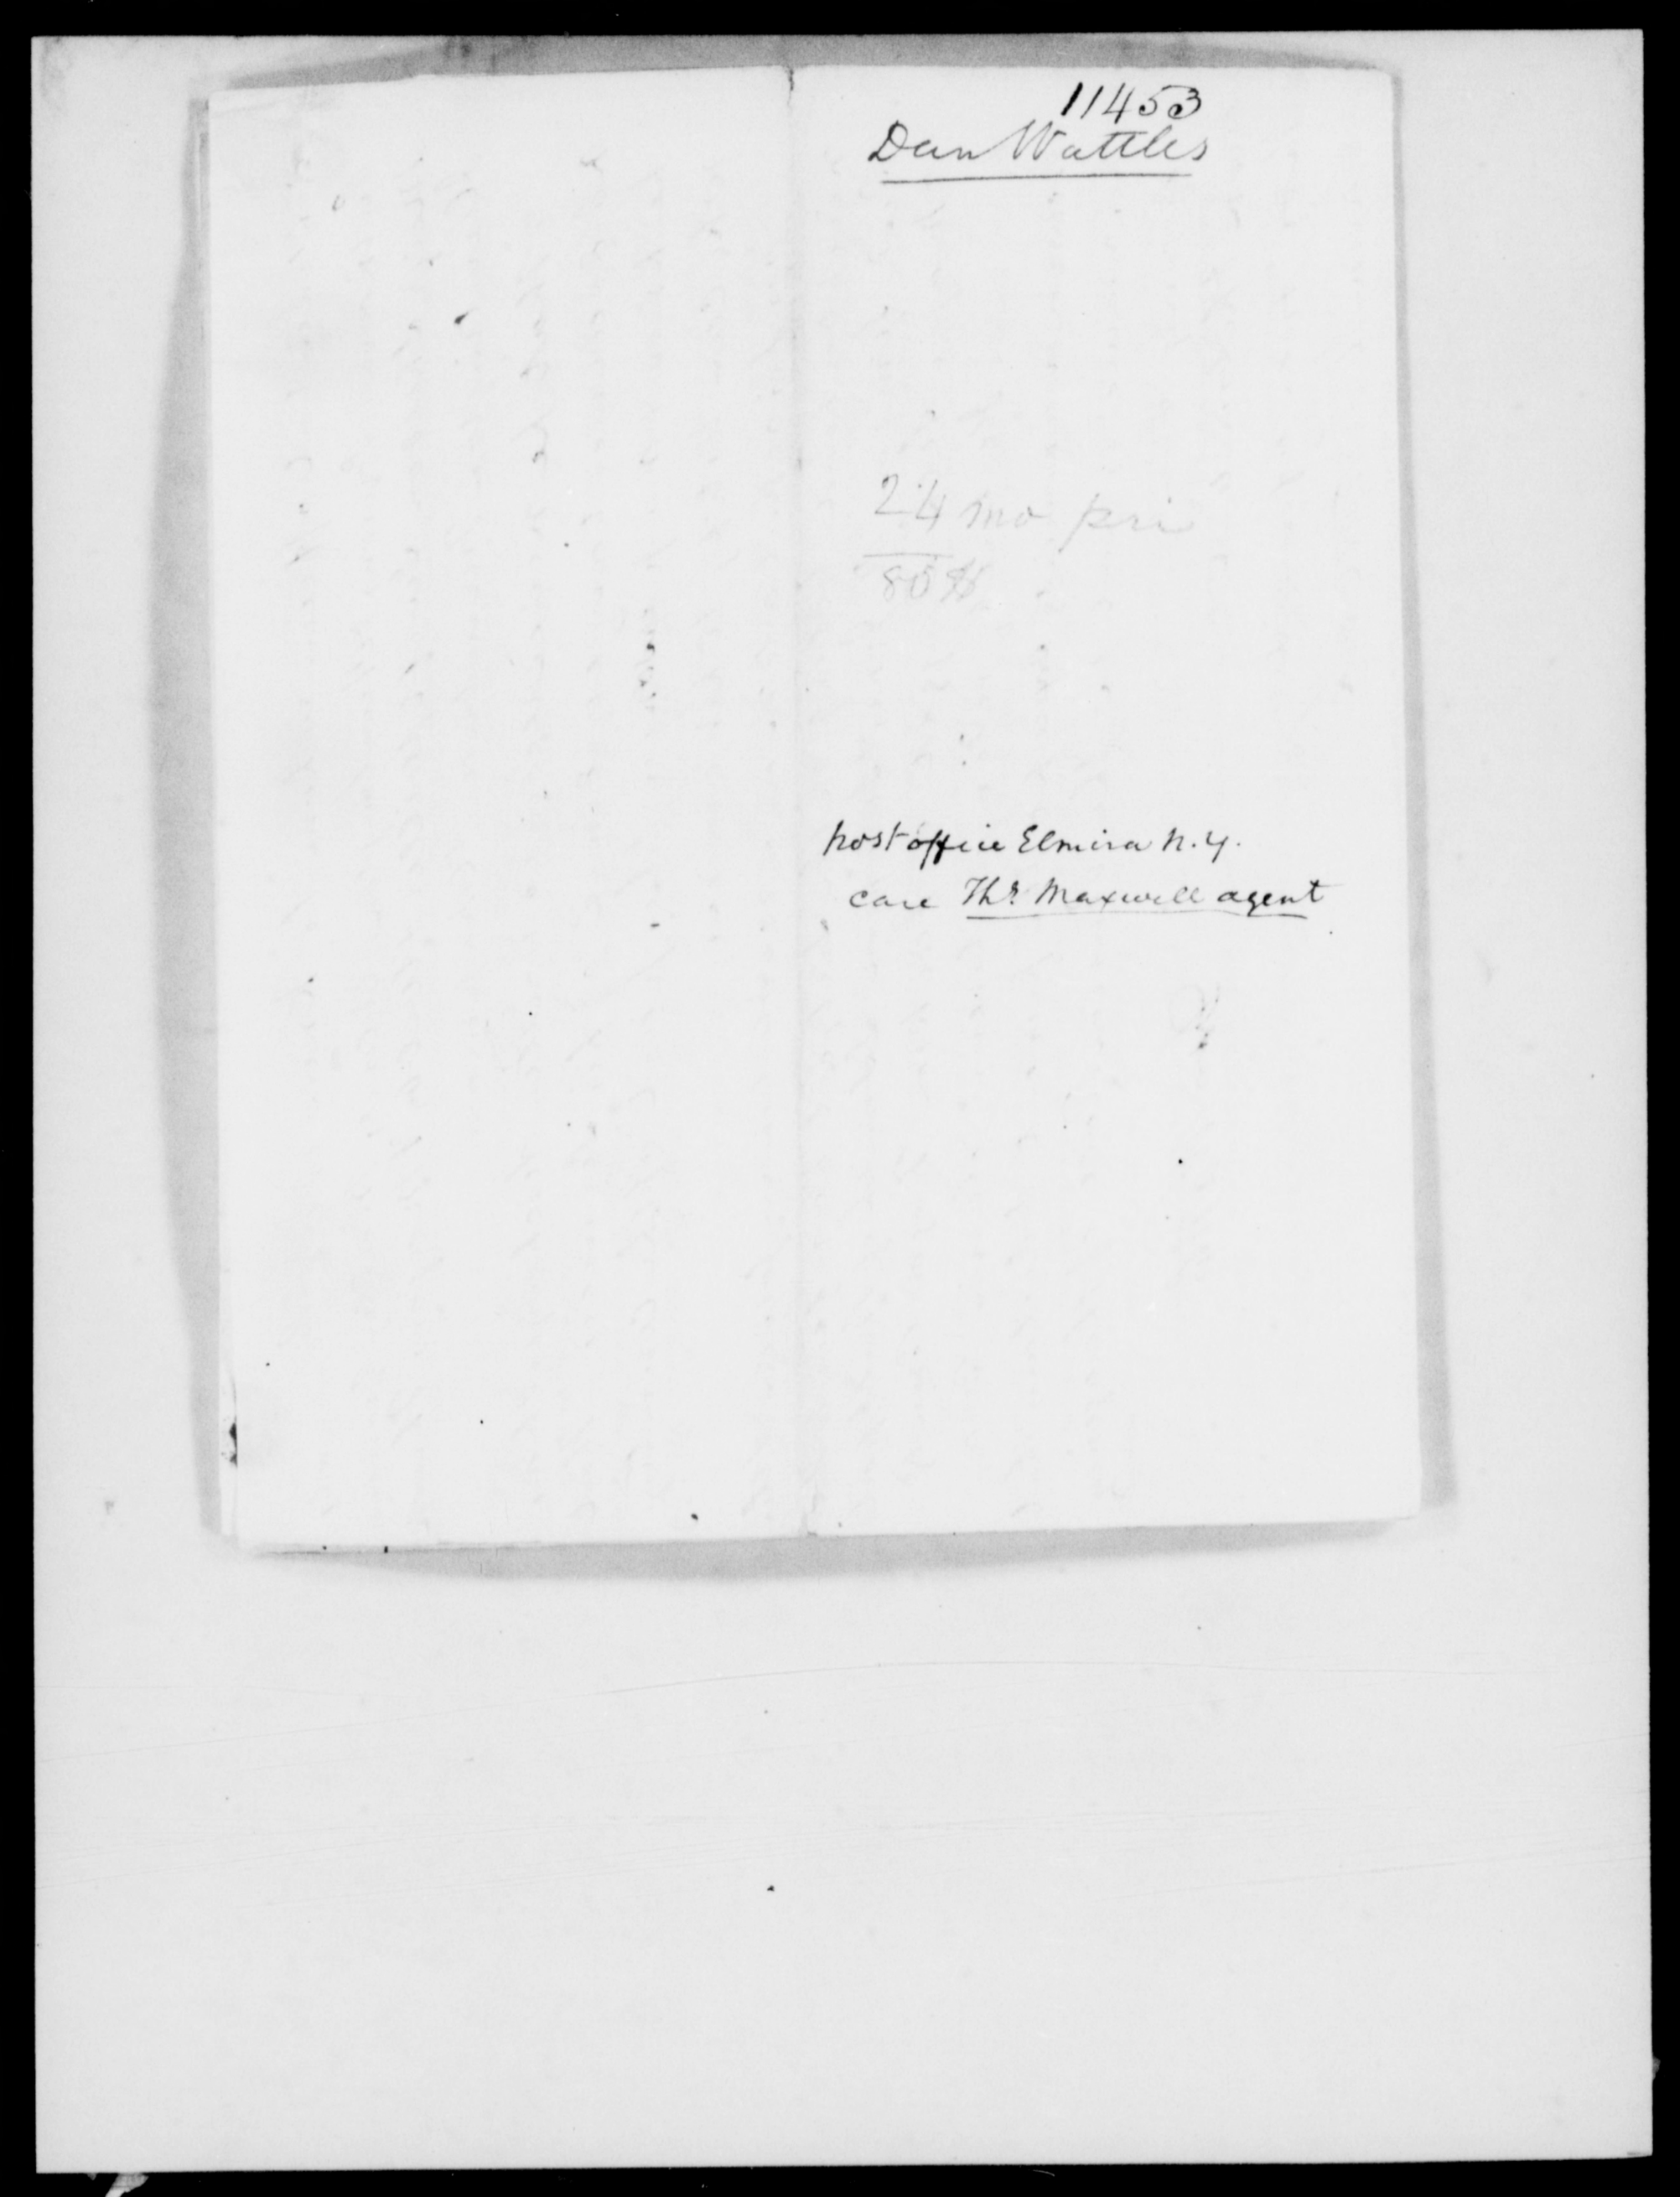11453
Dan Wattles
--------------

24 mo priv.
-------
80$$

post office Elmira N. Y.
care  Thos  Maxwelll  agent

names: Ths Maxwell, Dan Wattles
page: 17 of 70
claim: widow's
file: W. 3743, Dan Wattles, Conn.